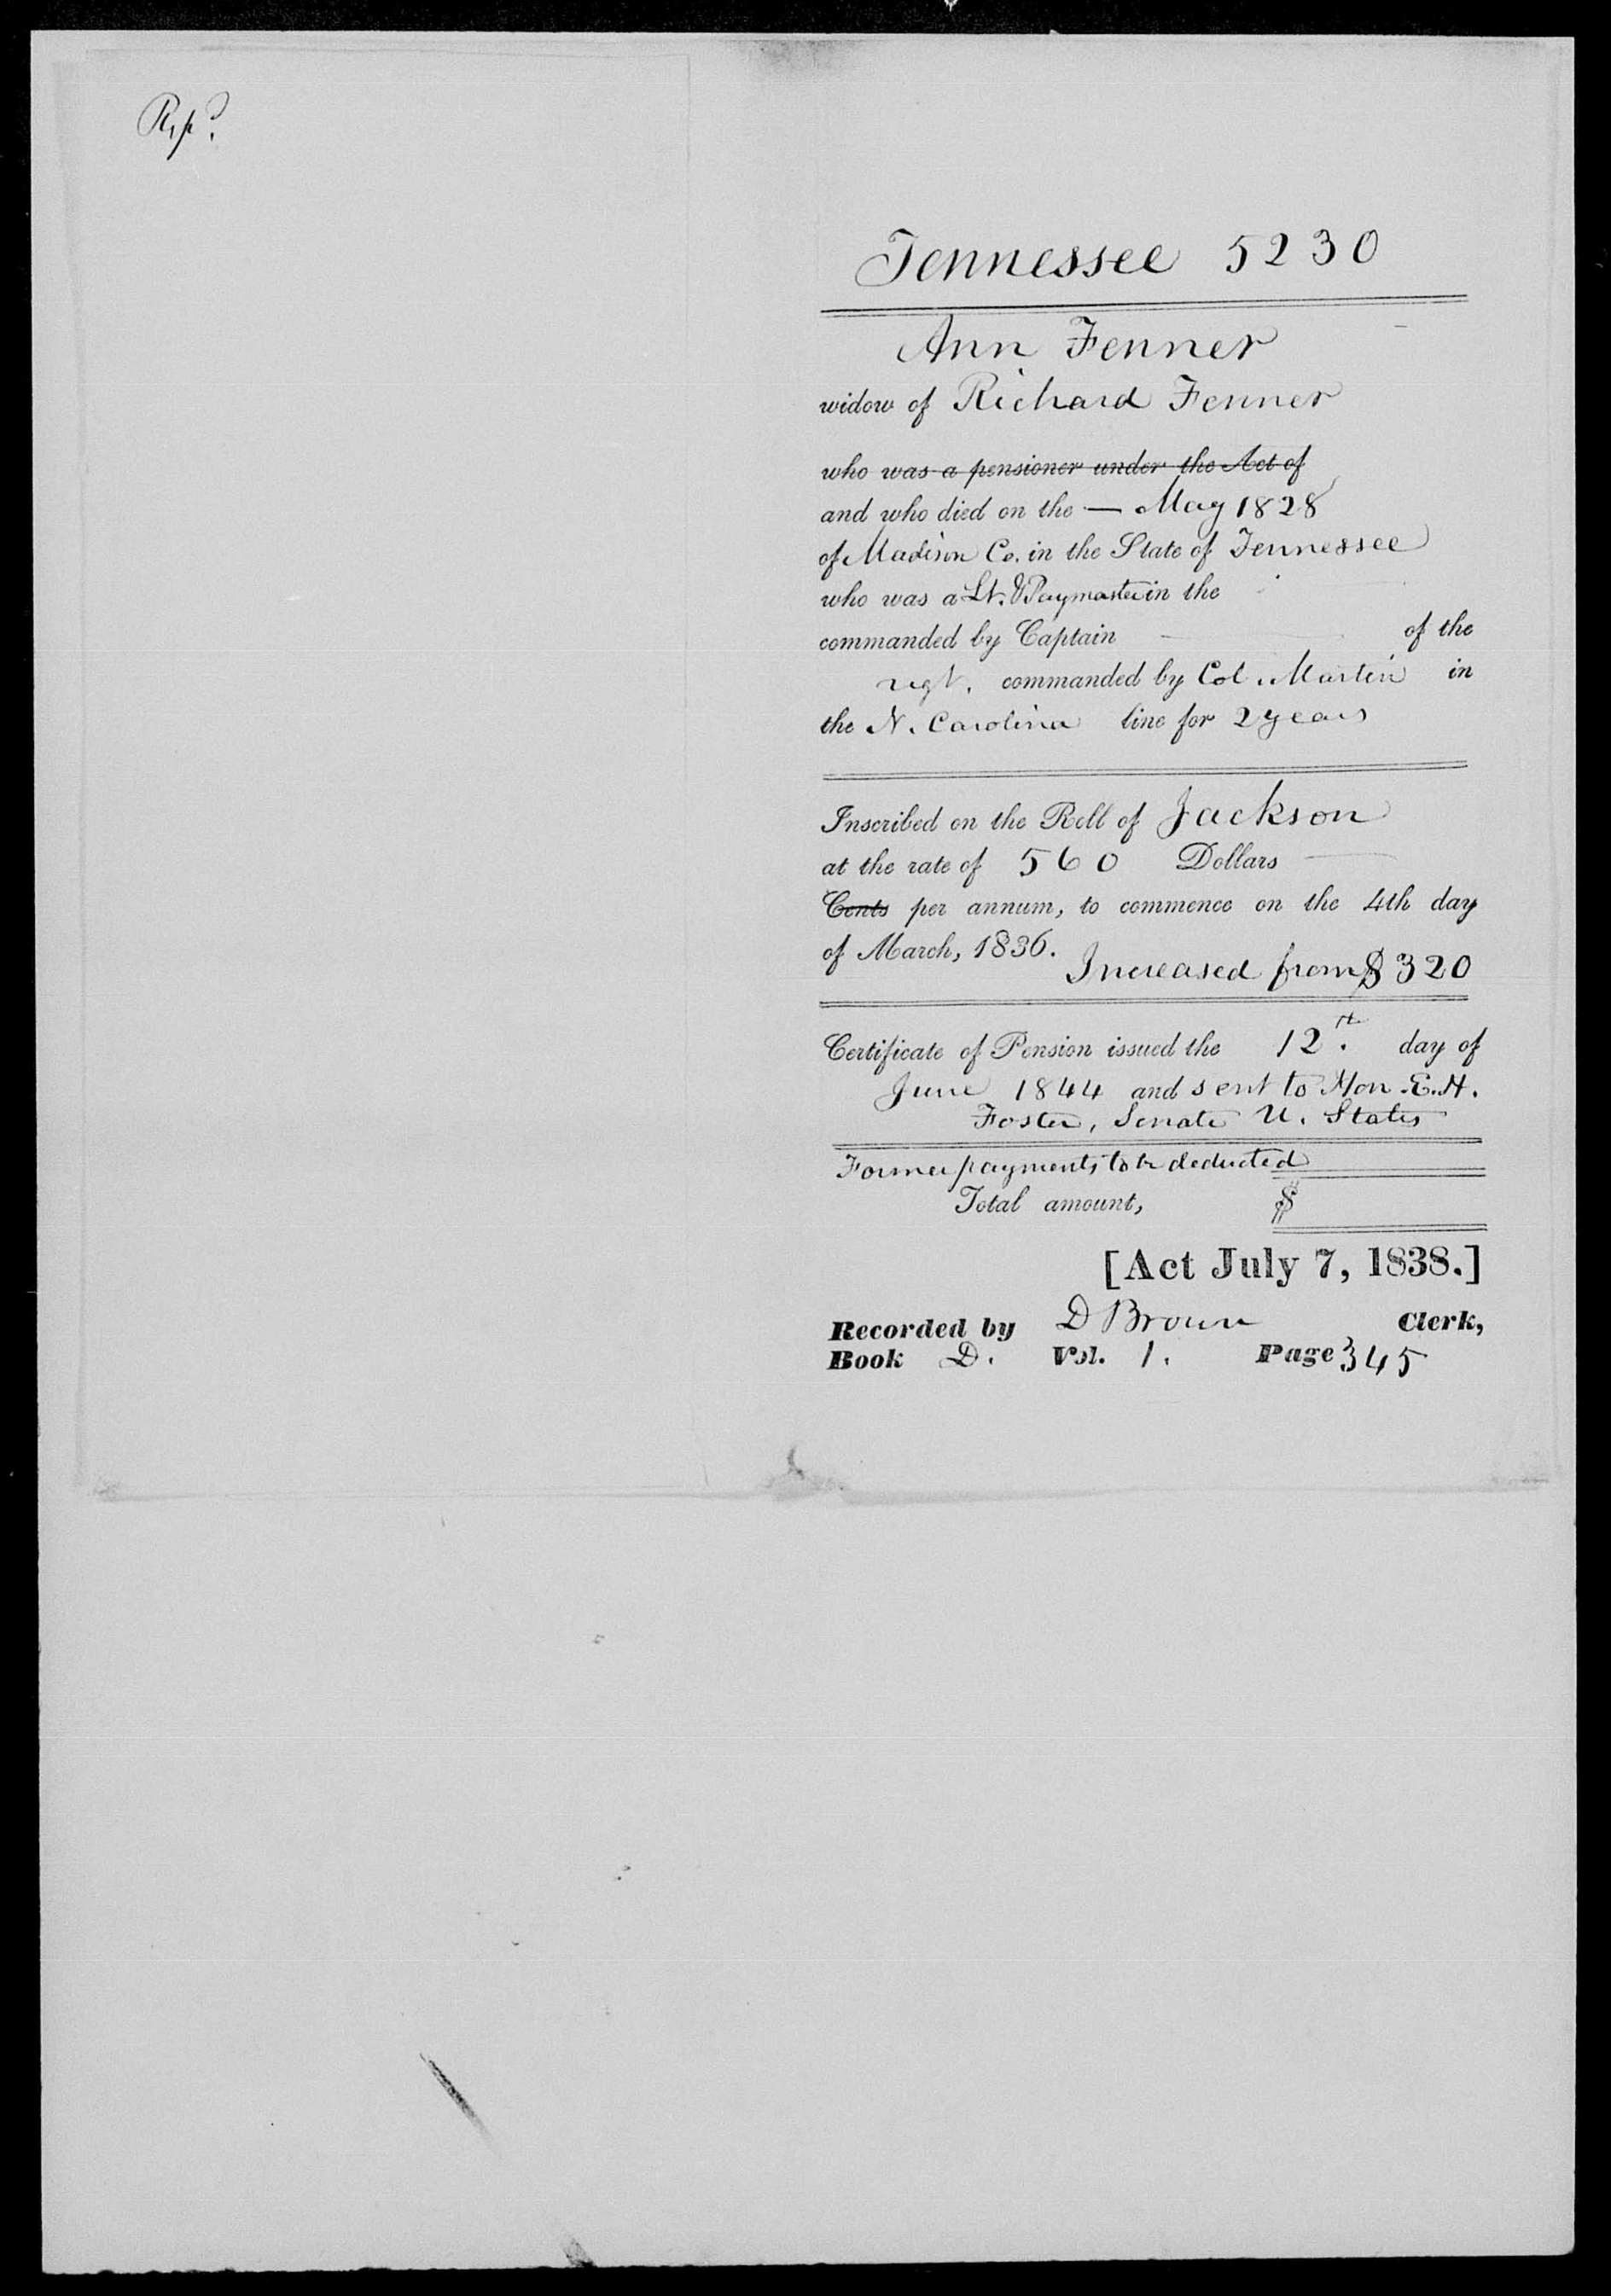Tennessee 5230

Ann Fenner 
widow of Richard Fenner
who was a pensioner under the Act of
and died on the - May 1828
of Madison Co. in the State of Tennessee
who was a Lt. & Paymaster in the
command by Captain _ of the
regt. commanded by Col. Martin in
the N. Carolina line for 2 years

Inscribed on the Roll of Jackson
at the rate of 560 Dollars
Cents per annum, to commence on the 4th day
of March, 1836.
Increased from $320

Certificate of Pension issued the 12th day of
June 1844 and sent to Hon E. H.
Foster, Senate U. States

Former payments to be deducted

Total amount, $______
(Act July 7, 1838.)

Recorded by D Brown Clerk,
Book D, Vol 1, Page 345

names: D Brown, Ann Fenner, Richard Fenner, E H Foster, Martin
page: 12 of 39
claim: widow's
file: W. 789, Richard Fenner, N.C.